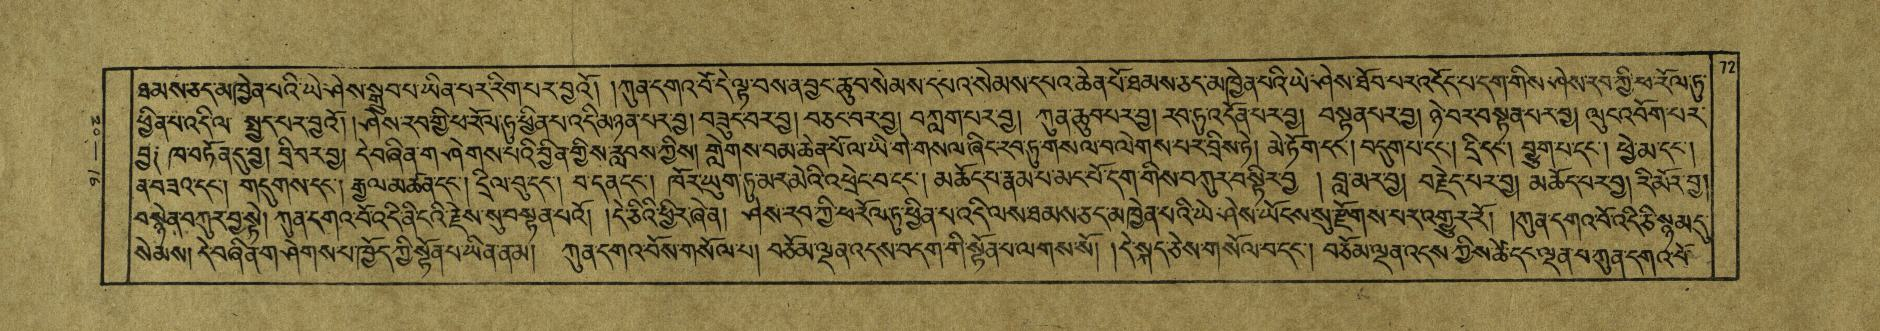ཐམས་ཅད་མཁྱེན་པའི་ཡེ་ཤེས་སྒྲུབ་པ་ཡིན་པར་རིག་པར་བྱའོ། །ཀུན་དགའ་བོ་དེ་ལྟ་བས་ན་བྱང་ཆུབ་སེམས་དཔའ་སེམས་དཔའ་ཆེན་པོ་ཐམས་ཅད་མཁྱེན་པའི་ཡེ་ཤེས་ཐོབ་པར་འདོད་པ་དག་གིས་ཤེས་རབ་ཀྱི་ཕ་རོལ་ཏུ་
ཕྱིན་པ་འདི་ལ་སྤྱད་པར་བྱའོ། །ཤེས་རབ་གྱི་ཕ་རོལ་ཏུ་ཕྱིན་པ་འདི་མཉན་པར་བྱ། བཟུང་བར་བྱ། བཅང་བར་བྱ། བཀླག་པར་བྱ། ཀུན་ཆུབ་པར་བྱ། རབ་ཏུ་འདོན་པར་བྱ། བསྟན་པར་བྱ། ཉེ་བར་བསྟན་པར་བྱ། ལུང་འབོག་པར་
བྱ༑ ཁ་བཏོན་དུ་བྱ། བྲི་བར་བྱ། དེ་བཞིན་གཤེགས་པའི་བྱིན་གྱིས་རླབས་ཀྱིས། གླེགས་བམ་ཆེན་པོ་ལ་ཡི་གེ་གསལ་ཞིང་རབ་ཏུ་གསལ་བ་ལེགས་པར་བྲིས་ཏེ། མེ་ཏོག་དང་། བདུག་པ་དང་། དྲི་དང་། བྱུག་པ་དང་། ཕྱེ་མ་དང་།
ན་བཟའ་དང་། གདུགས་དང་། རྒྱལ་མཚན་དང་། དྲིལ་བུ་དང་། བ་དན་དང་། ཁོར་ཡུག་ཏུ་མར་མེའི་འཕྲེང་བ་དང་། མཆོད་པ་རྣམ་པ་མང་པོ་དག་གིས་བཀུར་བསྟིར་བྱ། བླ་མར་བྱ། བརྗེད་པར་བྱ། མཆོད་པར་བྱ། རི་མོར་བྱ།
བསྙེན་བཀུར་བྱ་སྟེ། ཀུན་དགའ་བོ་འདི་ནི་ངའི་རྗེས་སུ་བསྟན་པའོ། །དེ་ཅིའི་ཕྱིར་ཞེ་ན། ཤེས་རབ་ཀྱི་ཕ་རོལ་ཏུ་ཕྱིན་པ་འདི་ལས་ཐམས་ཅད་མཁྱེན་པའི་ཡེ་ཤེས་ཡོངས་སུ་རྫོགས་པར་འགྱུར་རོ། །ཀུན་དགའ་བོ་འདི་ཅི་སྙམ་དུ་
སེམས། དེ་བཞིན་གཤེགས་པ་ཁྱོད་ཀྱི་སྟོན་པ་ཡིན་ནམ། ཀུན་དགའ་བོས་གསོལ་པ། བཅོམ་ལྡན་འདས་བདག་གི་སྟོན་པ་ལགས་སོ། །དེ་སྐད་ཅེས་གསོལ་བ་དང་། བཅོམ་ལྡན་འདས་ཀྱིས་ཚེ་དང་ལྡན་པ་ཀུན་དགའ་བོ་